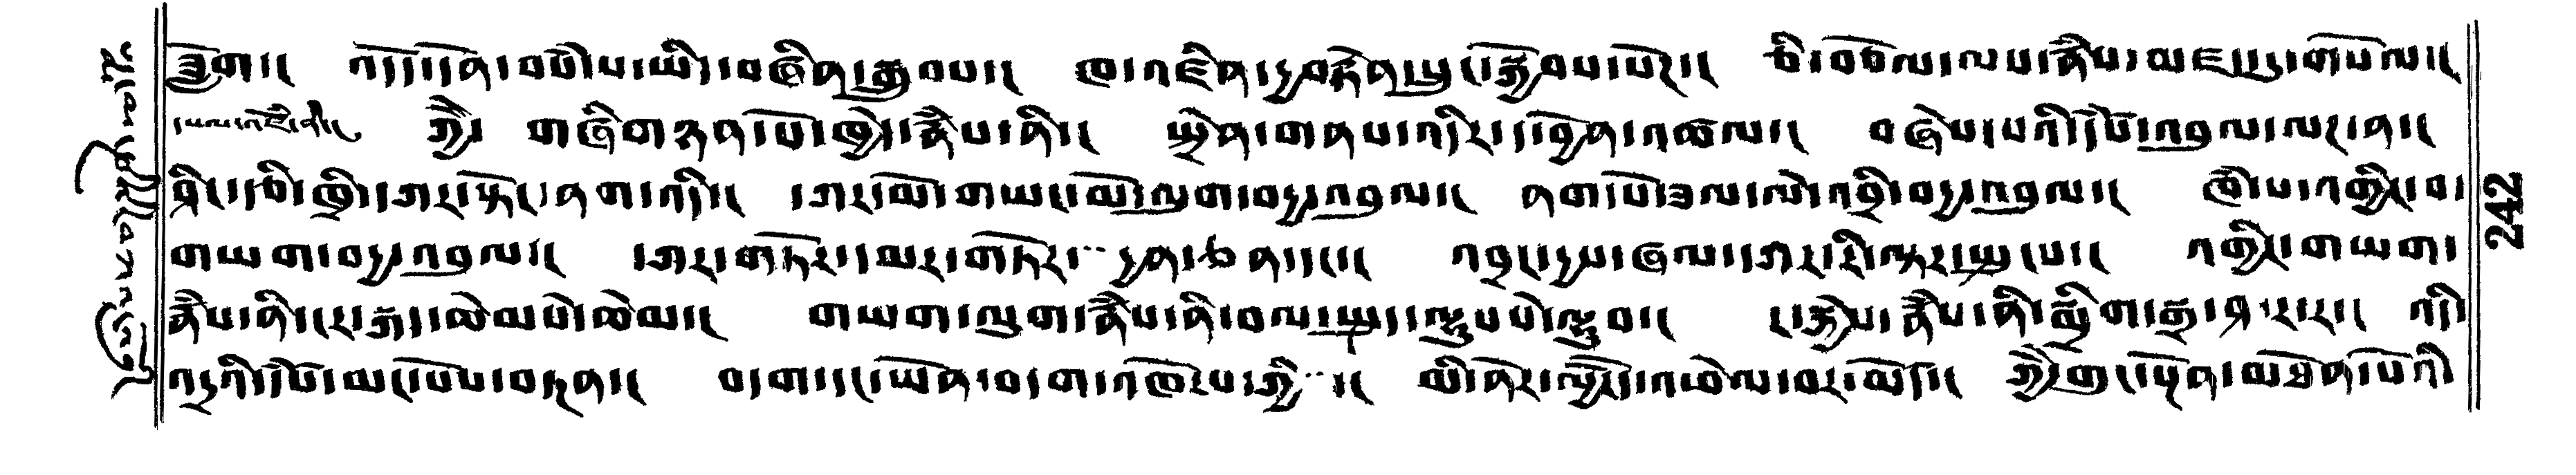ཟློག །འདོད་དོན་བསམ་པ་ཡིད་བཞིན་སྒྲུབས། ཁ་འཛིན་རྒྱན་བརྟེན་སྲུང་སྐྱོབས་སོགས། །ཅི་བཅོལ་ལས་རྣམས་མཛད་དུ་གསོལ། ། 
དཔལ་འཛོམ་ནི། ཀྱཻ། གཞི་བདག་གཉན་པོ་ཁྱེད་རྣམས་ནི། །སྤྱན་འདྲེན་གནས་འདིར་ད་བྱོན་འཚལ། །དགྱེས་པའི་དམ་རྫས་འབུལ་ལགས་ན། །
ཤེལ་ཚིག་ཁྲི་དཀར་སྟོང་ནག་འདི། །དཀར་མོ་གཡང་མོ་ལུག་བརྒྱ་འབུལ། །ནག་པོ་ཟལ་ལེ་འབྲི་བརྒྱ་འབུལ། ཁམ་པ་འགྱིང་བ་
གཡག་བརྒྱ་འབུལ། །དཀར་གཏོར་དམར་གཏོར་རྒྱན་ཅན་དང་། །འབྲང་རྒྱས་ཞལ་དཀར་རི་ལྟར་སྤུངས། །འགྱིང་གཡག་
རྣམས་ནི་ངར་སྐད་ཆེམས་སེ་ཆེམ། །གཡག་ལུག་རྣམས་ནི་བལ་སྤུ་ལྷུབས་སེ་ལྷུབ། །ར་སྐྱེས་རྣམས་ནི་སྨྲིག་སྒྲ་ཤ་ར་ར། །འདི་
འདྲའི་དམ་རྫས་མང་པོས་བརྔན། །བདག་དང་ཡོན་བདག་འཁོར་བཅས་ཀྱི། །མི་ནོར་ལོངས་སྤྱོད་འཕེལ་བར་མཛོད། ཀྱཻ། གུང་སྔོན་མཐོན་པོའི་